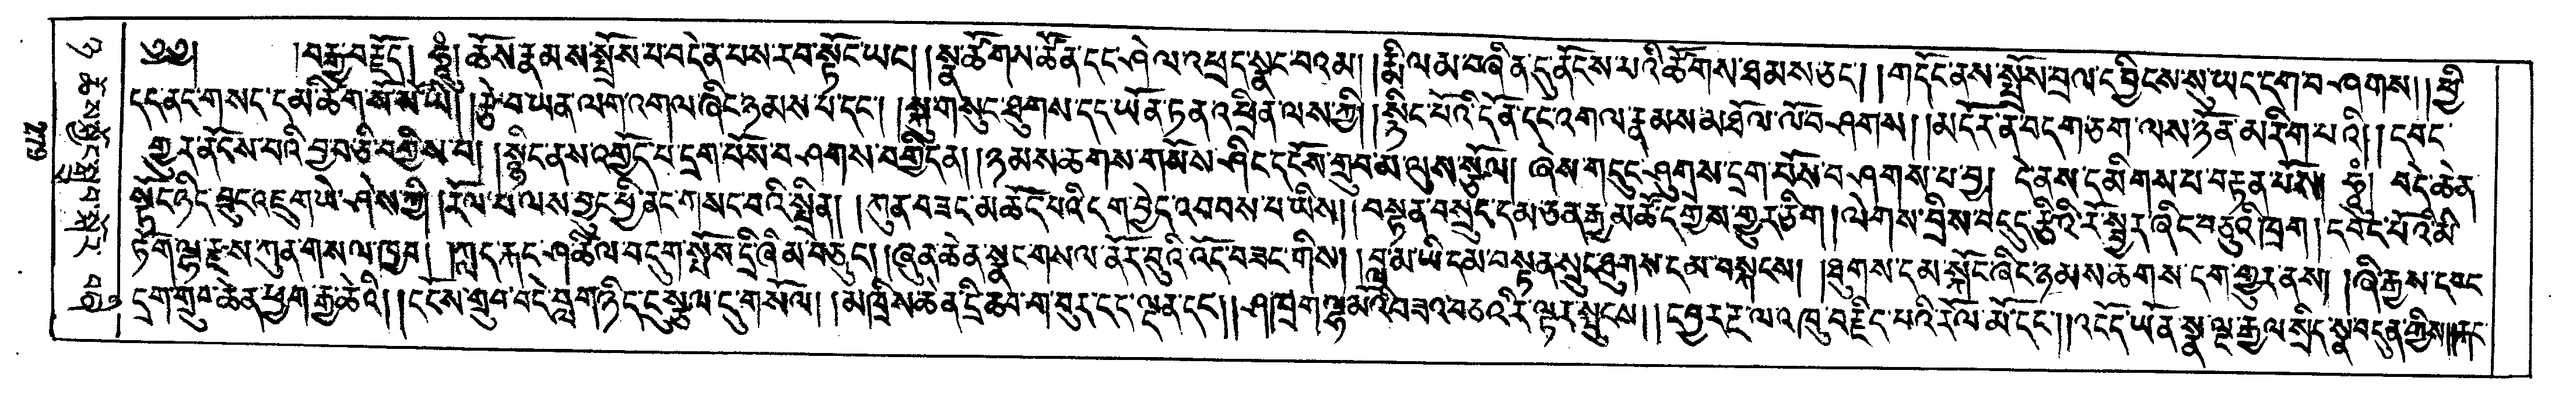༄༅། །བརྒྱ་བརྗོད། ཧཱུཾ༑ ཆོས་རྣམས་སྤྲོས་པ་བདེན་པས་རབ་སྟོང་ཡང་། །སྣ་ཚོགས་ཚོན་དང་ཤེལ་འཕྲད་སྣང་བའམ། །རྨི་ལམ་བཞིན་དུ་ནོངས་པའི་ཚོགས་ཐམས་ཅད། །གདོང་ནས་སྤྲོས་བྲལ་དབྱིངས་སུ་ཡང་དག་བཤགས། །ཕྱི་
དང་ནང་གསང་དམ་ཚིག་སོ་སོ་ཡི། །རྩ་བ་ཡན་ལག་འགལ་ཞིང་ཉམས་པ་དང་། །སྐུ་གསུང་ཐུགས་དང་ཡོན་ཏན་འཕྲིན་ལས་ཀྱི། །སྙིང་པོའི་དོན་དང་འགལ་རྣམས་མཐོལ་ལོ་བཤགས། །མདོར་ན་བདག་ཅག་ལས་ཉོན་མ་རིག་པའི། །དབང་
གྱུར་ནོངས་པའི་བྱ་བ་ཅི་བགྱིས་པ། །སྙིང་ནས་འགྱོད་པ་དྲག་པོས་བཤགས་བགྱིད་ན། །ཉམས་ཆགས་གསོས་ཤིང་དངོས་གྲུབ་མ་ལུས་སྩོལ། ཞེས་གདུང་ཤུགས་དྲག་པོས་བཤགས་པ་བྱ། དེ་ནས་དམིགས་པ་བརྟན་པོས། ཧཱུཾ། བདེ་ཆེན་
སྟོང་ཉིད་ཟུང་འཇུག་ཡེ་ཤེས་ཀྱི། །རོལ་པ་ལས་བྱུང་ཕྱི་ནང་གསང་བའི་སྤྲིན། །ཀུན་བཟང་མཆོད་པའི་དག་བྱེད་འབབས་པ་ཡིས། །བསྟན་བསྲུང་དམ་ཅན་རྒྱ་མཚོ་དགྱེས་གྱུར་ཅིག །ལེགས་བྲིས་བདུད་རྩིའི་རོ་སྦྱར་ཞིང་བཅུའི་ཁྲག། དབང་པོའི་མེ་
ཏོག་ལྷ་རྫས་ཀུན་གསལ་ཁྱབ། །ཀླད་རྐང་ཤི་ཚལ་བདུག་སྤོས་དྲི་ཞིམ་བཅུད། །ཞུན་ཆེན་སྣང་གསལ་ནོར་བུའི་འོད་བཟང་གིས། །བླ་མ་ཡི་དམ་བསྟན་སྲུང་ཐུགས་དམ་བསྐངས། །ཐུགས་དམ་སྐོང་ཞིང་ཉམས་ཆགས་དག་གྱུར་ནས། །ཞི་རྒྱས་དབང་
དྲག་གྲུབ་ཆེན་ཕྱག་རྒྱ་ཆེའི། །དངོས་གྲུབ་བདེ་བླག་ཉིད་དུ་སྩལ་དུ་གསོལ། །མཁྲིས་ཆེན་དྲི་ཆབ་ག་བུར་ངད་ལྡན་དང་། །ཤ་ཁྲག་ལྷ་མིའི་བཟའ་བཅའ་རི་ལྟར་སྤུངས། །དབྱར་རྔ་ལ་འཁུ་བརྗིད་པའི་རོལ་མོ་དང་། །འདོད་ཡོན་སྣ་ལྔ་རྒྱལ་སྲིད་སྣ་བདུན་གྱིས། །རྐང་